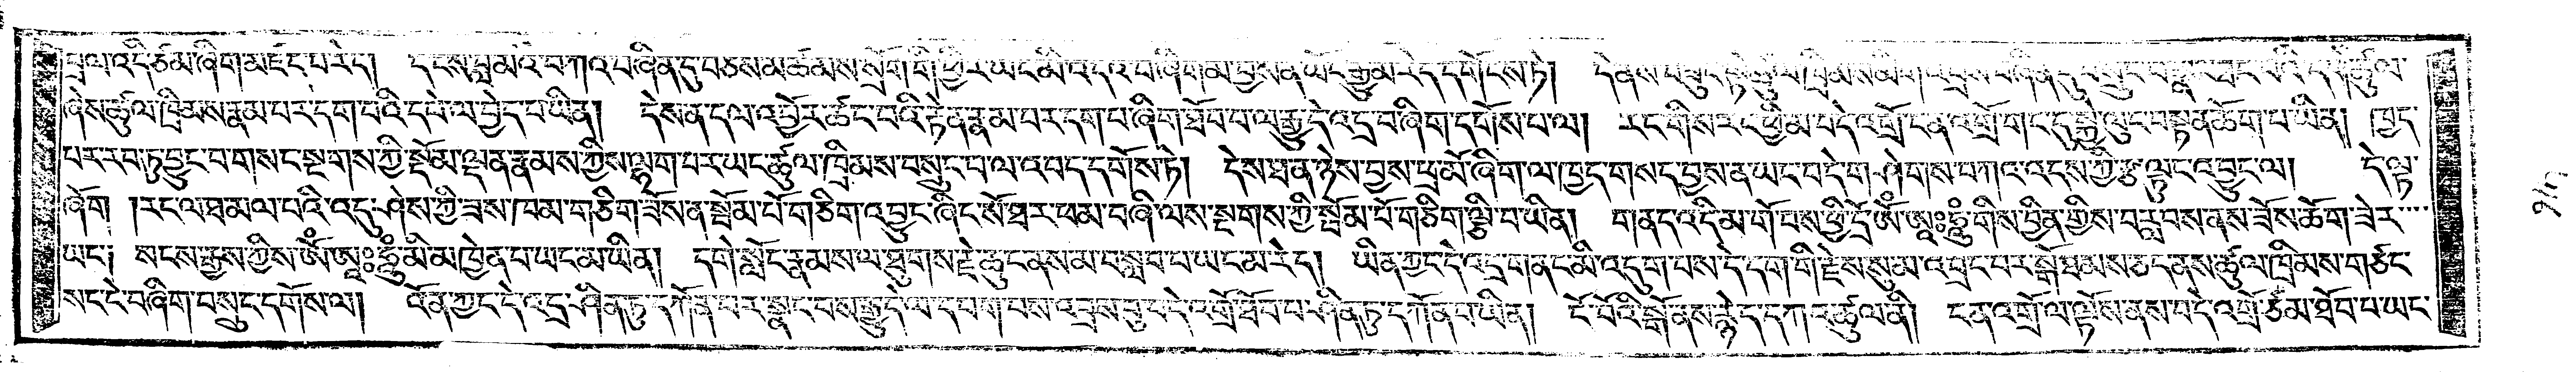བྲལ་འདི་ཙམ་ཞིག་མཛད་པ་རེད། དེ་ངས་བླ་མའི་བཀའ་བཞིན་དུ་བཅས་མཚམས་སྲོག་གི་ཕྱིར་ཡང་མི་འདའ་བ་ཞིག་མ་བྱས་ན་ཡོང་རྒྱུ་མ་རེད་དགོངས་ཏེ། དེ་ནས་བཟུང་སྟེ་ཚུལ་ཁྲིམས་མིག་འབྲས་བཞིན་དུ་བསྲུང་བ་སྣར་ཐང་པའི་དགེ་ཚུལ་
ཞེས་ཚུལ་ཁྲིམས་རྣམ་པར་དག་པའི་དཔེ་ལ་བྱེད་པ་ཡིན། དོས་ན་དལ་འབྱོར་ཚང་བའི་རྟེན་རྣམ་པར་དག་པ་ཞིག་ཐོབ་པ་ལ་རྒྱུ་དེ་འདྲ་བ་ཞིག་དགོས་པ་ལ། རང་གིས་རང་ཕྱི་མ་བདེ་འགྲོ་ངན་འགྲོ་གང་དུ་སྐྱེ་ལུང་བསྟན་ཆོག་པ་ཡིན། ཁྱད་
པར་རབ་ཏུ་བྱུང་བ་གསང་ཀྱི་སྡོམ་ལྡན་རྣམས་ཀྱིས་ལྷག་པར་ཡང་ཚུལ་ཁྲིམས་བསྲུང་བ་ལ་འབད་དགོས་ཏེ། དེས་ཐ་ན་ཉེས་བྱས་ཕྲ་མོ་ཞིག་ལ་ཁྱད་གསོད་བྱས་ན་ཡང་བདེ་གཤེགས་བཀའ་འདས་ཀྱི་རྩ་ལྟུང་འབྱུང་ལ། དེ་ལྟ་
ཞོག །རང་ལ་ཐ་མལ་པའི་འདུ་ཤེས་ཀྱི་ཟས་ཁམ་གཅིག་ཟོས་ན་སྦོམ་པོ་གཅིག་འབྱུང་ཞིང་སོ་ཐར་ཕམ་བཞི་ལས་སྔགས་ཀྱི་སྦོམ་པོ་གཅིག་ལྕི་བ་ཡིན། གནད་འདི་མགོ་བས་ཕྱི་དྲོ་ཨོཾ་ཨཱཿཧཱུཾ་གྱིས་བྱིན་གྱིས་བརླབས་ནས་ཟོས་ཆོག་ཟེར་
ཡང༑ སངས་རྒྱས་ཀྱིས་ཨོཾ་ཨཱཿཧཱུཾ་མི་མཁྱེན་པ་ཡང་མ་ཡིན། དགེ་སློང་རྣམས་ལ་ཐུགས་རྗེ་ཆུང་ནས་མ་བསླབ་པ་ཡང་མ་རེད། ཡིན་ཀྱང་དེ་འདྲ་གནང་མི་འདུག་པས་དེ་དག་གི་རྗེས་སུ་མ་འབྲང་བར་སྒོ་ཐམས་ཅད་ནས་ཚུལ་ཁྲིམས་གཙང་
སང་ངེ་བཞིག་བསྲུང་དགོས་ལ། འོན་ཀྱང་དེ་འདྲ་ཤིན་ཏུ་དཀོན་པར་སྣང་བས་རྒྱུ་དེ་ལ་དཔག་པས་འབྲས་བུ་བདེ་འགྲོ་ཐོབ་བ་ཤིན་ཏུ་དཀོན་པ་ཡིན། ངོ་བོའི་སྒོ་ནས་རྙེད་དཀའ་ཚུལ་ནི། ངན་འགྲོ་ལ་ལྟོས་ནས་བདེ་འགྲོ་ཙམ་ཐོབ་པ་ཡང་